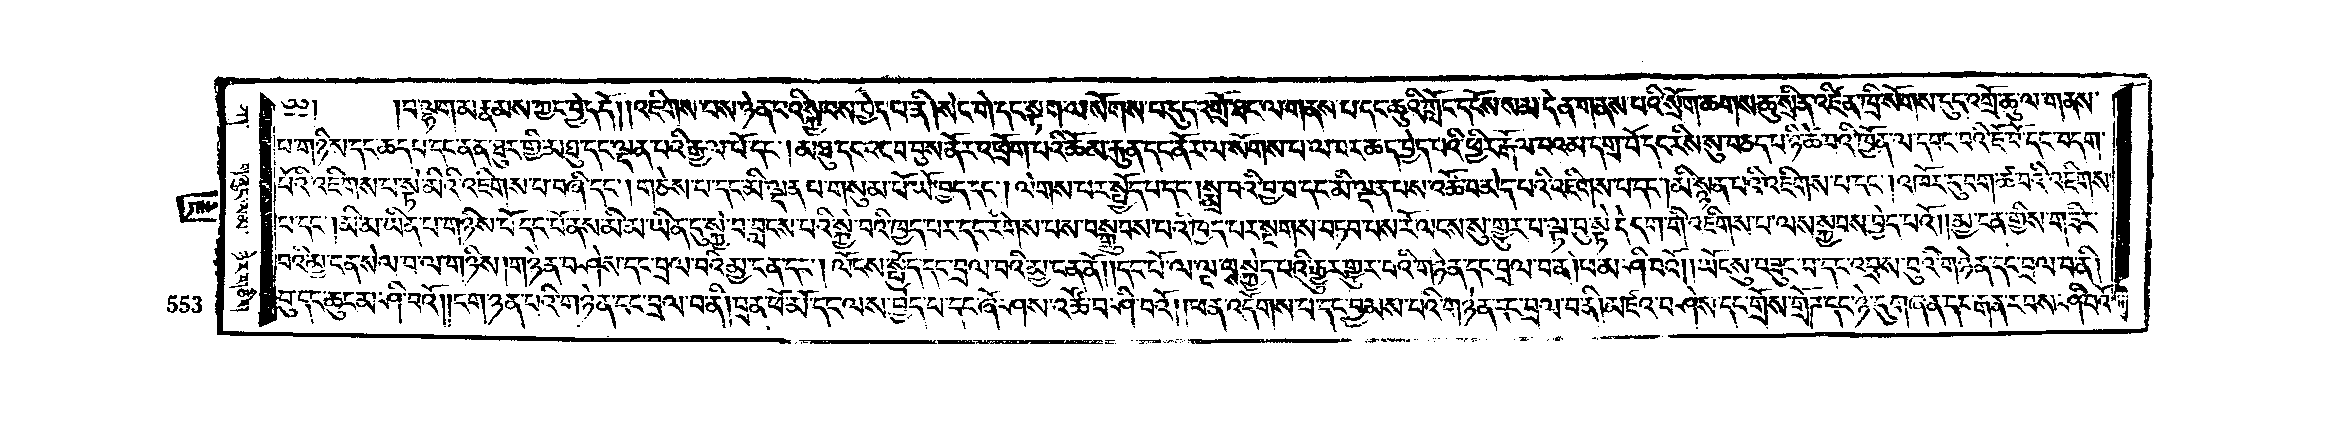༄༅། །བ་ལྷག་མ་རྣམས་ཀྱང་བྱེད་དོ། །འཇིགས་པས་ཉེན་པའི་སྐྱབས་བྱེད་པ་ནི། སེང་གེ་དང་སྟག་ལ་སོགས་པ་དུད་འགྲོ་ཐང་ལ་གནས་པ་དང་ཆུའི་ཀློང་དངོས་སམ་དེ་ན་གནས་པའི་སྲོག་ཆགས་ཆུ་སྲིན་འཛིན་ཁྲི་སོགས་དུད་འགྲོ་ཆུ་ལ་གནས་
པ་གཉིས་དང་ཆད་པ་དང་ནན་ཐུར་གྱི་མཐུ་དང་ལྡན་པའི་རྒྱལ་པོ་དང་། མཐུ་དང་འཇབ་བུས་ནོར་འཕྲོག་པའི་ཆོམ་རྐུན་དང་ནོར་ལ་སོགས་པ་ལ་བར་ཆད་བྱེད་པའི་ཕྱིར་རྒོལ་བའམ་དགྲ་བོ་དང་རིས་སུ་བཅད་པ་ཉི་ཚེ་བའི་ཁྱོན་ལ་དབང་བའི་ཇོ་བོ་དང་བདག་
པོའི་འཇིགས་པ་སྟེ་མིའི་འཇིགས་པ་བཞི་དང་། གཅེས་པ་དང་མི་ལྡན་པ་གསུམ་པོ་ཡོ་བྱད་དང་། ལེགས་པར་སྤྱོད་པ་དང་། སྨྲ་བའི་བྱ་བ་དང་མི་ལྡན་པས་འཚོ་བ་མེད་པའི་འཇིགས་པ་དང་། མི་སྙན་པའི་འཇིགས་པ་དང་། འཁོར་དུ་བག་ཚ་བའི་འཇིགས་
པ་དང་། མི་མ་ཡིན་པ་གཉིས་པོ་དང་པོ་ནས་མི་མ་ཡིན་དུ་སྐྱེ་བ་བླངས་པའི་སྐྱེ་བའི་ཁྱད་པར་དང་རིགས་པས་བསྒྲུབས་པའི་ཁྱད་པར་སྔགས་བཏབ་པས་རོ་ལངས་སུ་གྱུར་པ་ལྟ་བུ་སྟེ་དེ་དག་གི་འཇིགས་པ་ལས་སྐྱབས་བྱེད་པའོ། །མྱ་ངན་གྱིས་གཟིར་
བའི་མྱ་ངན་སེལ་བ་ལ་གཉིས། གཉེན་བཤེས་དང་བྲལ་བའི་མྱ་ངན་དང་། ལོངས་སྤྱོད་དང་བྲལ་བའི་མྱ་ངན་ནོ། །དང་པོ་ལ་ལྔ་ལས་སྐྱེད་པའི་རྒྱུར་གྱུར་བའི་གཉེན་དང་བྲལ་བ་ནི། ཕ་མ་ཤི་བའོ། །ཡོངས་སུ་བཟུང་བ་དང་འབྲས་བུའི་གཉེན་དང་བྲལ་བ་ནི།
བུ་དང་ཆུང་མ་ཤི་བའོ། །ངག་ཉན་པའི་གཉེན་དང་བྲལ་བ་ནི། བྲན་ཕོ་མོ་དང་ལས་བྱེད་པ་དང་ཞོ་ཤས་འཚོ་བ་ཤི་བའོ། །ཕན་འདོགས་པ་དང་བྱམས་པའི་གཉེན་དང་བྲལ་བ་ནི། མཛའ་བཤེས་དང་གྲོས་གྲོགས་དང་ཉེ་དུ་གཞན་དང་རྒན་རབས་ཤི་བའོ།།